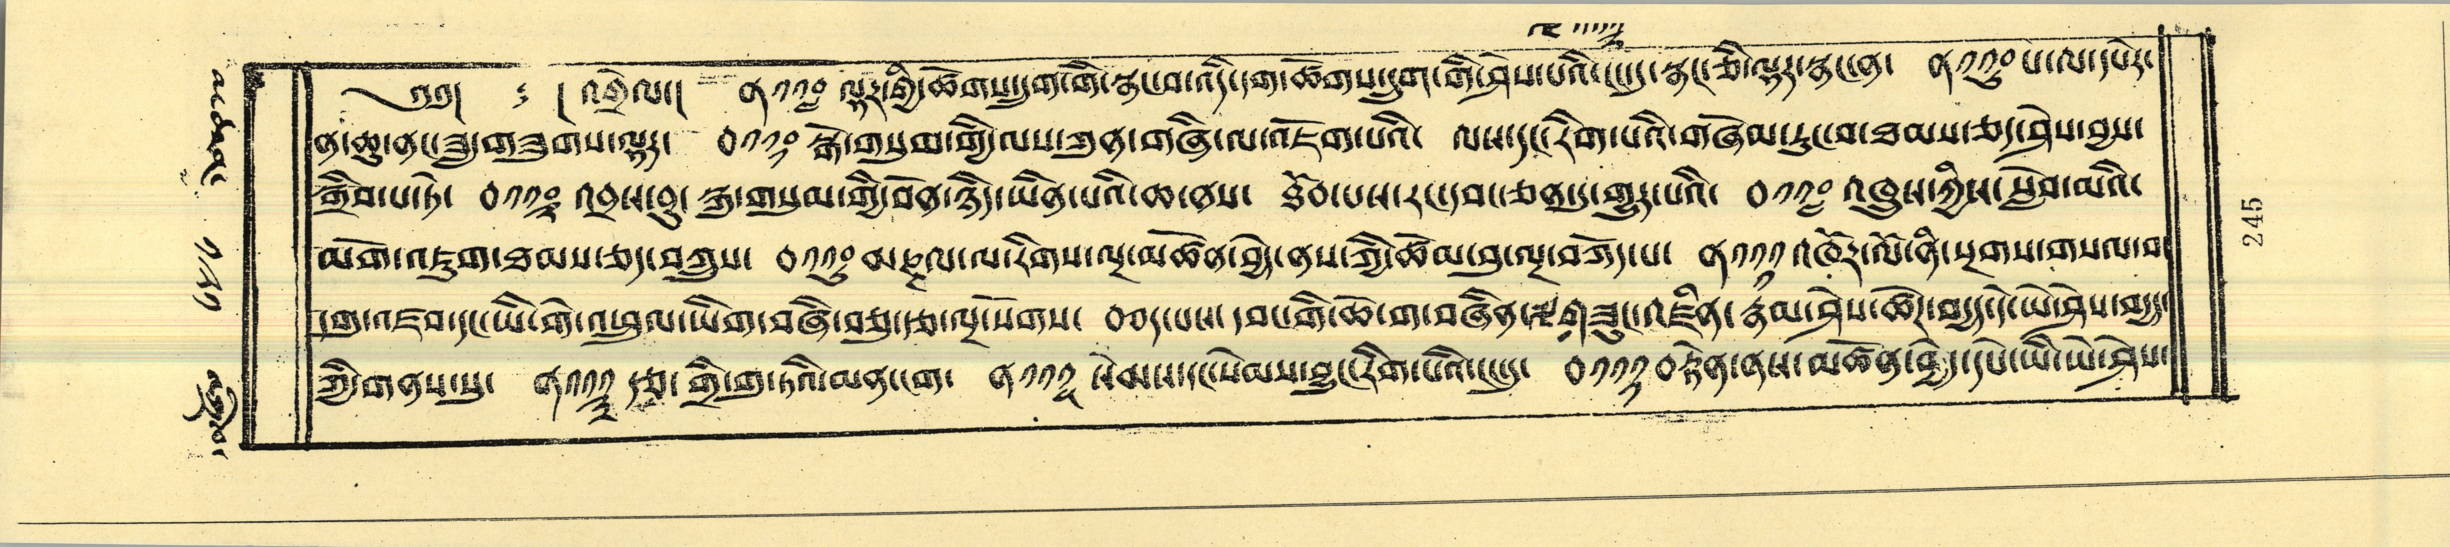༼འགྲེལ།༽ན༡༡༠།༤ ༼ལྟར་གྱི་༽ཚོགས་དྲུག་གི་སྣང་བ་འདི་དག་ཚོགས་དྲུག་གི་ཤེས་པའི་ངང་དུ་སྣང་ཅི་ལྟར་སྣང་ན། ན༡༡༠།༦ ༼པ་ལ་༽དཔེར་
ནཆུ་ནང་ཟླ་གཟུགས་ལྟར། བ༡༡༠།༡ སྒོ་གསུམ་གྱི་ལས་ཀུན་གཞི་ལ་འཇོག་པའི། ༼ལས་དང་༽རིག་པའི་གཞོམ་རུང་བ་ཐམས་ཅད་ཤེས་བྱས་
སྒྲིབ་པ་ཏེ། བ༡༡༠།༢ ༼འབྲས་བུ་༽སྐུ་གསུམ་གྱི་བོན་ཉིད་ཡིན་པའི་ཆ་ནས། ༼ཐོབ་པས་༽རང་དབང་ཅན་དུ་གྱུར་པའི། བ༡༡༠།༤ ༼འཁྲུས་ཀྱིས་༽སློབ་མའི་
མགོ་འཇུག་ཐམས་ཅད་བཀྲུས། བ༡༡༠།༦ ༼མཎྡལ་༽ལ་རིགས་ལྔ་མཚོན་བྱེད་ནུས་ཀྱི་ཚོམ་བུ་ལྔ་བཀོད་པ། ན༡༡༡།༡ ༼འཁོར་ལོ་༽ནི་སྔགས་གསལ་བ་
དགུ་འཛབ་དང་ཡི་གེ་འཕྲུལ་ཡིག་བཞི་བཅུ་རྩ་ལྔ་སོགས་ ༼བཅད་པས་༽དབང་གི་ཆོ་ག་བཞིན་ན༡༡༡།༢ ༼གཟུང་འཛིན་༽རྣམ་ཤེས་ཚོགས་བརྒྱད་དེ་ཡེ་ཤེས་བརྒྱད་
ཀྱི་གནས་སུ། ན༡༡༡།༣ རྩ་གྲི་གུ་ཏའི་མན་ངག ན༡༡༡།༥ ༼སེམས་༽དང་སེམས་བྱུང་རིག་པའི་ངང་དུ་བ༡༡༡།༡ ༼བརྟེན་ནས་༽མཚོན་བྱེད་དཔེ་ཡི་ཡེ་ཤེས་